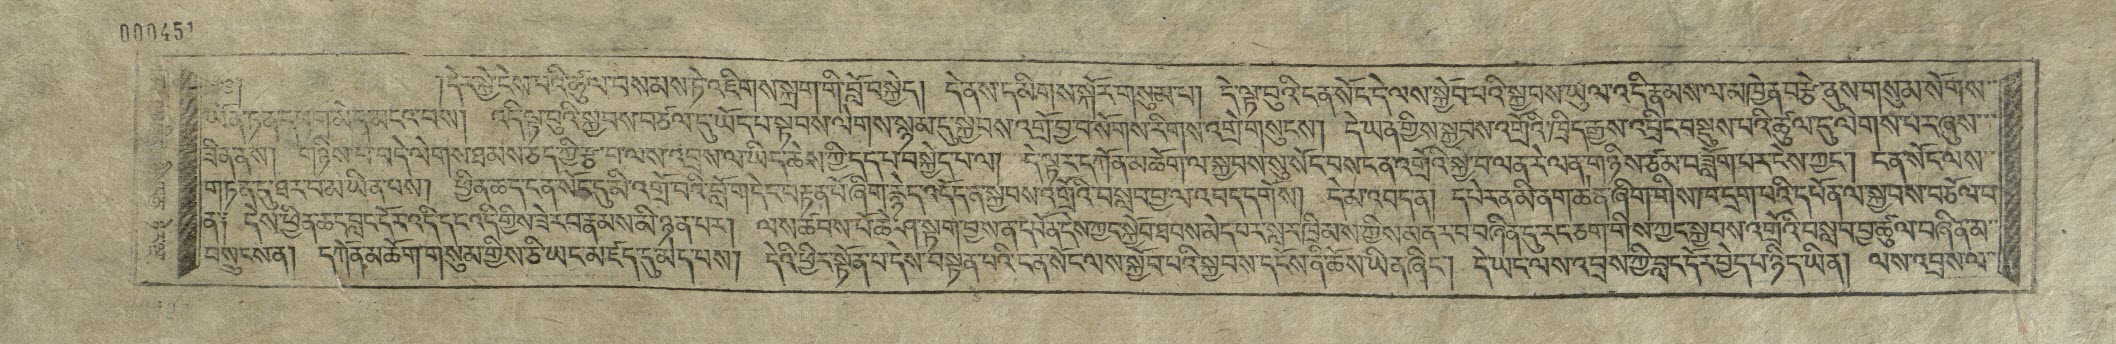༄༅། །དེར་སྐྱེ་ངེས་པའི་ཚུལ་བསམས་ཏེ་འཇིགས་སྐྲག་གི་བློ་བསྐྱེད། དེ་ནས་དམིགས་སྐོར་གསུམ་པ། དེ་ལྟ་བུའི་ངན་སོང་དེ་ལས་སྐྱོབ་པའི་སྐྱབས་ཡུལ་འདི་རྣམས་ལ་མཁྱེན་བརྩེ་ནུས་གསུམ་སོགས་
ཡོན་ཏན་དཔག་མེད་མངའ་བས། འདི་ལྟ་བུའི་སྐྱབས་བཙལ་དུ་ཡོད་པ་སྟབས་ལེགས་སྙམ་དུ་སྐྱབས་འགྲོ་བྱ་བ་སོགས་རིགས་འགྲེ་གསུངས། དེ་ཡན་གྱིས་སྐྱབས་འགྲོའི་ཁྲིད་རྒྱས་འབྲིང་བསྡུས་པའི་ཚུལ་དུ་ལེགས་པར་ཞུས་
ཟིན་ནས། གཉིས་པ་བདེ་ལེགས་ཐམས་ཅད་ཀྱི་རྩ་བ་ལས་འབྲས་ལ་ཡིད་ཆེས་ཀྱི་དད་པ་བསྐྱེད་པ་ལ། དེ་ལྟར་དཀོན་མཆོག་ལ་སྐྱབས་སུ་སོང་བས་ངན་འགྲོའི་སྐྱེ་བ་ལན་རེ་ལན་གཉིས་ཙམ་བཟློག་པར་ངེས་ཀྱང་། ངན་སོང་ལས་
གཏན་དུ་ཐར་བ་མ་ཡིན་པས། ཕྱིན་ཆད་ངན་སོང་དུ་མི་འགྲོ་བའི་བློ་གདེང་བརྟན་པོ་ཞིག་རྙེད་འདོད་ན་སྐྱབས་འགྲོའི་བསླབ་བྱ་ལ་འབད་དགོས། དེ་མ་འབད་ན། དཔེར་ན་མི་ནག་ཆེན་ཞིག་གིས་ཁ་དྲག་པའི་དཔོན་ལ་སྐྱབས་བཅོལ་བ་
ན༑ དེས་ཕྱིན་ཆད་བླང་དོར་འདི་དང་འདི་གྱིས་ཟེར་བ་རྣམས་མི་ཉན་པར། ལས་ཚབས་པོ་ཆེ་ཤ་སྟག་བྱས་ན་དཔོན་དེས་ཀྱང་སྐྱོབ་ཐབས་མེད་པར་སླར་ཁྲིམས་ཀྱིས་མནར་བ་བཞིན་དུ་རང་ཅག་གིས་ཀྱང་སྐྱབས་འགྲོའི་བསླབ་བྱ་ཚུལ་བཞིན་མ་
བསྲུངས་ན། དཀོན་མཆོག་གསུམ་གྱིས་ཅི་ཡང་མཛད་དུ་མེད་པས། དེའི་ཕྱིར་སྟོན་པ་དེས་བསྟན་པའི་ངན་སོང་ལས་སྐྱོབ་པའི་སྐྱབས་དངོས་ནི་ཆོས་ཡིན་ཞིང་། དེ་ཡང་ལས་འབྲས་ཀྱི་བླང་དོར་བྱེད་པ་ཉིད་ཡིན། ལས་འབྲས་ལ་